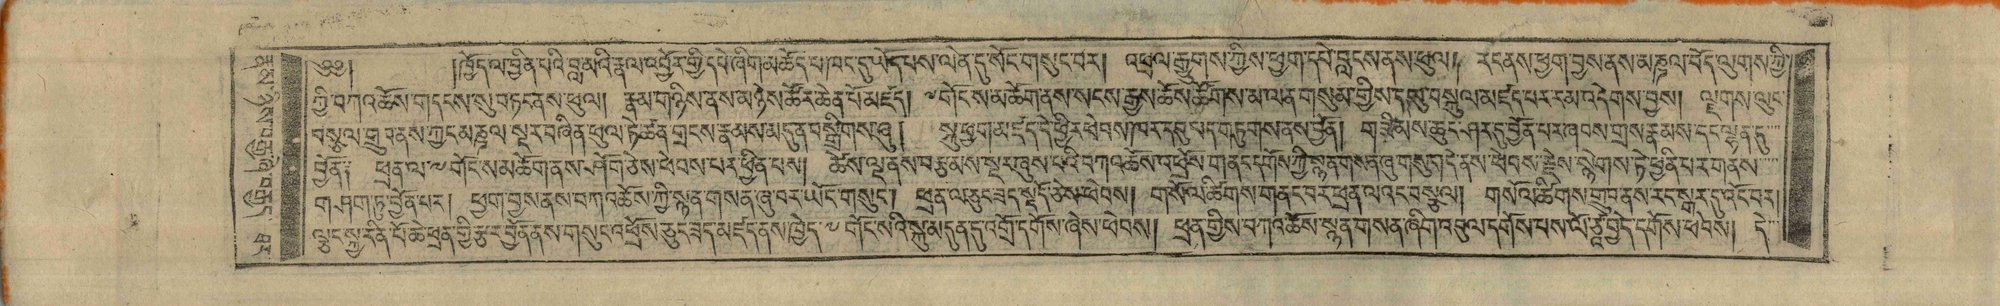༄༅། །ཁྱོད་ལ་བྱིན་པའི་བླ་མའི་རྣལ་འབྱོར་གྱི་དཔེ་ཞིག་མཆོད་པ་ཁང་དུ་ཡོད་པས་ལེན་དུ་སོང་གསུང་བར། འཕྲལ་རྒྱུགས་ཀྱིས་ཕྱག་དཔེ་བླངས་ནས་ཕུལ། རང་ནས་ཕྱག་བྱས་ནས་མཎྜལ་བོད་ལུགས་ཀྱི་
ཀྱི་བཀའ་ཆོས་གདངས་སུ་བཏང་ནས་ཕུལ། རྣམ་གཉིས་ནས་མཉེས་ཚོར་ཆེན་པོ་མཛད། ༧གོང་ས་མཆོག་ནས་སངས་རྒྱས་ཆོས་ཚོགས་མ་ལན་གསུམ་གྱིས་དབུ་བསྐུལ་མཛད་པར་རམ་འདེགས་བྱས། ལྗགས་ལུང་
བསྩལ་གྲུབ་ནས་ཀྱང་མཎྜལ་སྔར་བཞིན་ཕུལ་ཏེ་ཚན་གྲངས་རྣམས་མདུན་བསྒྲིགས་ཞུ། སྐུ་ཕྱག་མཛད་དེ་ཕྱིར་ཕེབས་ཁར་དབུ་པད་གཏུགས་ནས་བྱོན། གཟིམས་ཆུང་ཤར་དུ་བྱོན་པར་ཞབས་གྲས་རྣམས་དང་ལྷན་དུ་
བྱོན༑ ཕྲན་ལ་༧གོང་ས་མཆོག་ནས་ཤོག་ཅེས་ཕེབས་པར་ཕྱིན་པས། ཚེས་ལྔ་ནས་བརྩམས་སྔར་ཞུས་པའི་བཀའ་ཆོས་འཕྲོས་གནང་དགོས་ཀྱི་སྙན་གསན་ཞུ་གསུང་། དེ་ནས་ཕེབས་རྗེས་སྙེགས་ཏེ་ཕྱིན་པར་གནས་
གཤག་ཏུ་བྱོན་པར། ཕྱག་བྱས་ནས་བཀའ་ཆོས་ཀྱི་སྙན་གསན་ཞུ་བར་ཡོང་གསུང་། ཕྲན་ལ་ཅུང་ཟད་སྡོད་ཅེས་ཕེབས། གསོལ་ཚིགས་གནང་བར་ཕྲན་ལའང་བསྩལ། གསོལ་ཚིགས་གྲུབ་ནས་རང་སྒར་དུ་འོང་བར།
ལྕང་སྐྱ་རིན་པོ་ཆེ་ཕྲན་གྱི་རྩར་བྱོན་ནས་གསུང་འཕྲོས་ཅུང་ཟད་མཛད་ནས་ཁྱེད་༧གོང་སའི་སྐུ་མདུན་དུ་འགྲོ་དགོས་ཞེས་ཕེབས། ཕྲན་གྱིས་བཀའ་ཆོས་སྙན་གསན་ཞིག་འབུལ་དགོས་པས་ལོ་ཙཱ་བྱེད་དགོས་ཕེབས། དེ་